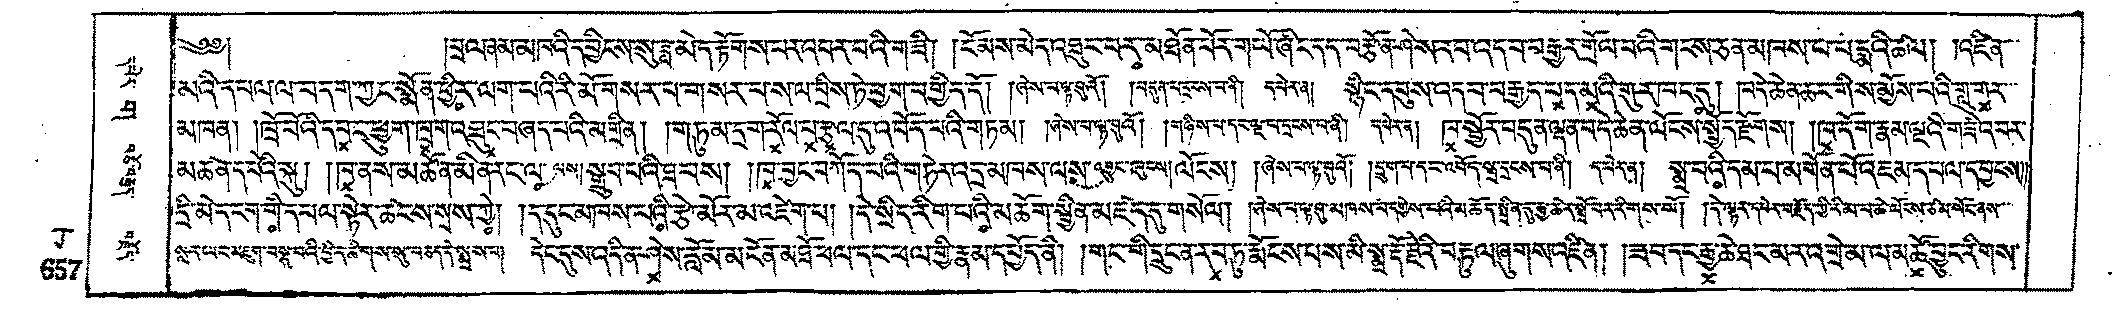༄༅། །བྲལ་ནམ་མཁའི་དབྱིངས་སུ་ཟླ་མེད་རྟོགས་པར་འབར་བའི་གཟི། །ངོམས་མེད་འཐུང་བར་མཐོན་པོར་གཡོ་ཞིང་དད་བརྩོན་ཤེས་རབ་འདབ་བརྒྱར་གྲོལ་པའི་གངས་ཅན་མཁས་པ་པདམའི་ཚལ། །འཛིན་་་
མའི་དཔལ་ལ་བདག་ཀྱང་སྨོན་ཕྱིར་ལག་པའི་རི་མོ་གསར་པ་གསར་པ་ས་ལ་བྲིས་ཏེ་ཕྱག་བགྱིད་དོ། ཞེས་པ་ལྟ་བུའོ། །བདུན་པ་དྲངས་པ་ནི།  དཔེར་ན། སྙིང་དབུས་འདབ་བརྒྱད་པད་མའི་གུར་ཁང་དུ། །བདེ་ཆེན་ཆང་གིས་མྱོས་པའི་གླུ་གར་་་
མཁན། །ཁྲོ་བོའི་དབང་ཕྱུག་ཁྲག་འཐུང་བཞད་པའི་མགྲིན། །གཏུམ་དྲག་རོལ་པ་རྩལ་དུ་འབོད་པའི་གཏམ། །ཞེས་པ་ལྟ་བུའོ། །གཉིས་པ་དང་ལྔ་པ་དྲངས་པ་ནི། དཔེར་ན། ་ཁ་སྦྱོར་བདུན་ལྡན་བདེ་ཆེན་ལོངས་སྤྱོད་རྫོགས། །ཁ་དོག་རྣམ་ལྔའི་གཟི་འབར་
མཚན་དཔེའི་སྐུ། །ཁ་ནས་མཚོན་མིན་རང་ལ་ལས།  སྒྲུབ་པའི་ཐབས། །ཁ་བྱང་བཀོད་པའི་གཏེར་འདྲ་མཁས་ལས་འབྱུང་ཁུངས།  ལོངས། ཞེས་པ་ལྟ་བུ་མཁས་པ་དགྱེས་པའི་མཆོད་སྤྲིན་དུ་རྒྱ་ཆེར་སྤྲོ་བར་རིགས་སོ། །དེ་ལྟར་དཔེར་བརྗོད་ཀྱི་རིམ་པ་ཆེ་ལོངས་ཙམ་སོང་ནས་་་
སླར་ཡང་མཇུག་བསྡུ་བའི་ཕྱིར་ཚིགས་སུ་བཅད་དེ་སྨྲས་པ། དེང་དུས་འདི་ན་ཤེས་རློམ་མངོན་མཐོ་ཕལ་དང་ཕལ་གྱི་རྣམ་དཔྱོད་ནི། །གང་གི་དྲུང་ན་རབ་ཏུ་རྨོངས་པས་མི་སྨྲ་རྡོ་རྗེའི་བརྟུལ་ཞུགས་འཛིན། །ཟབ་དང་རྒྱ་ཆེ་ཐང་མར་འགྲེམ་ལ་མཚོ་བྱུང་རིགས་